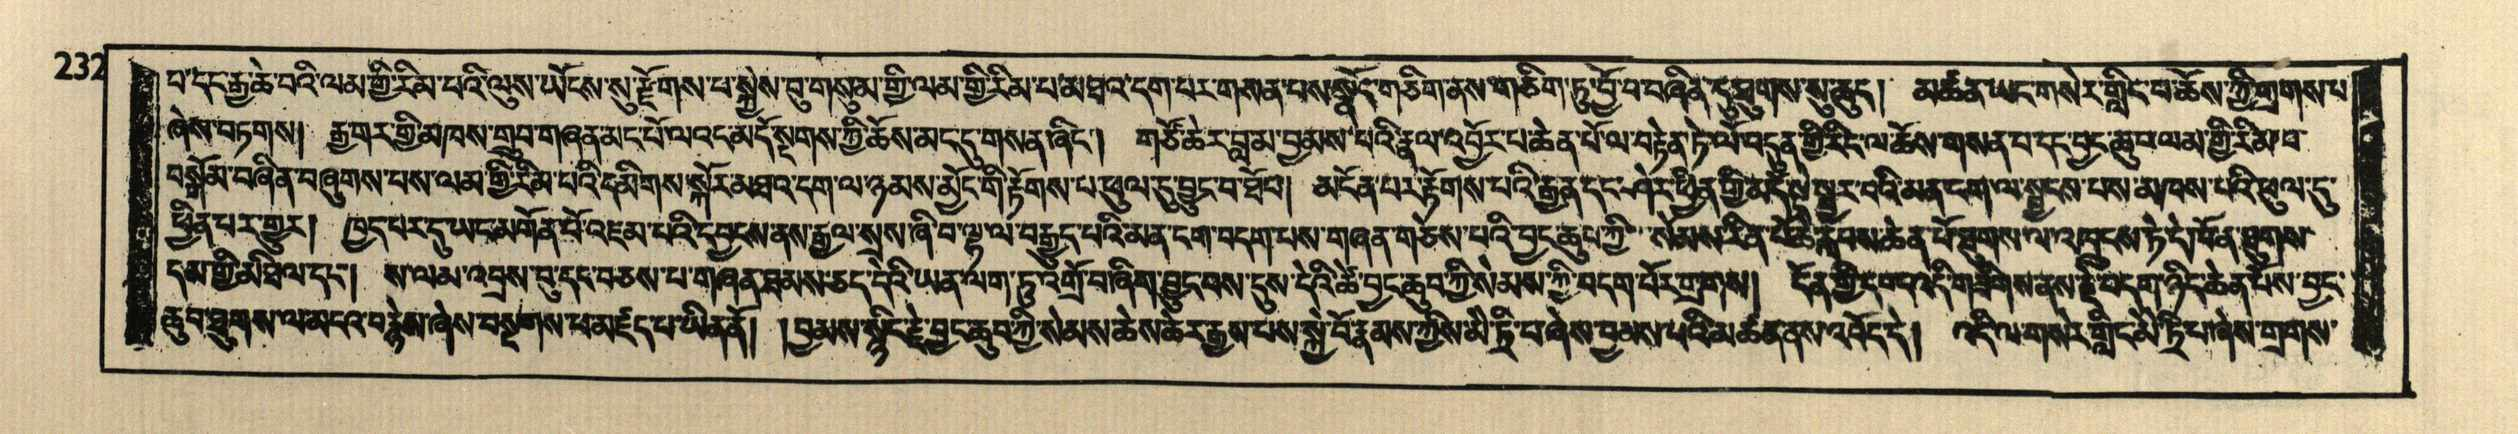བ་དང་རྒྱ་ཆེ་བའི་ལམ་གྱི་རིམ་པའི་ལུས་ཡོངས་སུ་རྫོགས་པ་སྐྱེས་བུ་གསུམ་གྱི་ལམ་གྱི་རིམ་པ་མཐའ་དག་པར་གསན་པས་སྣོད་གཅིག་ནས་གཅིག་ཏུ་བྱོ་བ་བཞིན་དུ་ཐུགས་སུ་ཆུད། མཚན་ཡང་གསེར་གླིང་པ་ཆོས་ཀྱི་གྲགས་པ་
ཞེས་བཏགས། རྒྱ་གར་གྱི་མཁས་གྲུབ་གཞན་མང་པོ་ལའང་མདོ་སྔགས་ཀྱི་ཆོས་མང་དུ་གསན་ཞིང་། གཙོ་ཆེར་བླ་མ་བྱམས་པའི་རྣལ་འབྱོར་པ་ཆེན་པོ་ལ་བརྟེན་ཏེ་ལོ་བདུན་གྱི་རིང་ལ་ཆོས་གསན་པ་དང་བྱང་ཆུབ་ལམ་གྱི་རིམ་བ་
བསྒོམ་བཞིན་བཞུགས་པས་ལམ་གྱི་རིམ་པའི་དམིགས་སྐོར་མཐའ་དག་ལ་ཉམས་མྱོང་གི་རྟོགས་པ་ཕུལ་དུ་བྱུང་བ་ཐོབ། མངོན་པར་རྟོགས་པའི་རྒྱན་དང་ཤེར་ཕྱིན་གྱི་མདོ་སྡེ་སྦྱར་བའི་མན་ངག་ལ་སྦྱངས་པས་མཁས་པའི་ཕུལ་དུ་
ཕྱིན་པར་གྱུར། ཁྱད་པར་དུ་ཡང་མགོན་པོ་འཇམ་པའི་དབྱངས་ནས་རྒྱལ་སྲས་ཞི་བ་ལྷ་ལ་བརྒྱུད་པའི་མན་ངག་བདག་པས་གཞན་གཅེས་པའི་བྱང་ཆུབ་ཀྱིས་སེམས་རིན་པོ་ཆེ་རླབས་ཆེན་པོ་ཐུགས་ལ་འཁྲུངས་ཏེ་དེ་ཁོ་ན་ཐུགས་
དམ་གྱི་མཐིལ་དང་། ས་ལམ་འབྲས་བུ་དང་བཅས་པ་གཞན་ཐམས་ཅད་དེའི་ཡན་ལག་ཏུ་འགྲོ་བ་ཞིག་བྱུང་བས་དུས་དེའི་ཚེ་བྱང་ཆུབ་ཀྱི་སེམས་ཀྱི་བདག་པོར་གྲགས། དོན་གྱི་དབང་འདི་གཟིགས་ནས་རྗེ་བདག་ཉིད་ཆེན་པོས་བྱང་
ཆུབ་ཐུགས་ལ་མངའ་བརྙེས་ཞེས་བསྔགས་ཕ་མཛད་པ་ཡིན་ནོ། །བྱམས་སྙིང་རྗེ་བྱང་ཆུབ་ཀྱི་སེམས་ཆེས་ཆེར་རྒྱས་པས་སྐྱེ་བོ་རྣམས་ཀྱིས་མཻ་ཏྲི་བ་ཞེས་བྱམས་པའི་མཚན་ནས་འབོད་དེ། འདི་ལ་གསེར་གླིང་མཻ་ཏྲི་པ་ཞེས་གྲགས་